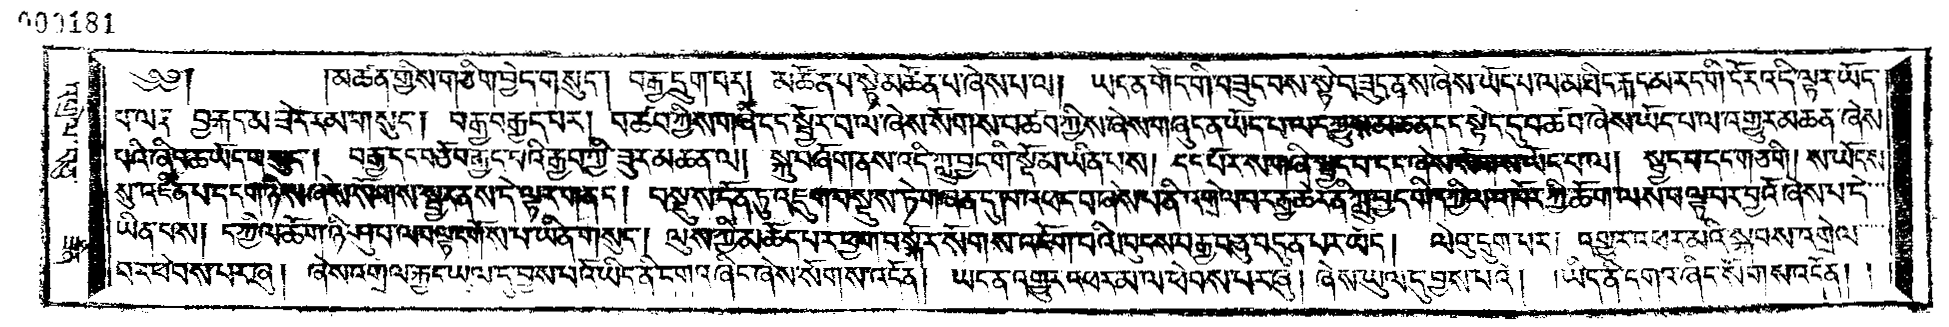༄༅། །མཚན་གྱིས་གཅིག་བྱེད་གསུང་། བརྒྱ་དྲུག་པར། མཚོན་པ་སྟེ་མཚོན་པ་ཞེས་པ་ལ། ཡང་ན་གོང་གི་བཟུང་བས་སྟེ་བཟུང་ནས་ཞེས་ཡོད་པ་ལ་མཐིང་རྐང་མ་རང་གི་ངོར་འདི་ལྟར་ཡོད་
པ་ལ། བྱ་རྐང་མ་ཟེར་རམ་གསུང་། བརྒྱ་བརྒྱད་པར། བ་ཚབ་ཀྱིས་གཞི་དང་སྦྱོར་བ་ལ་ཞེས་སོགས་བ་ཚབ་ཀྱིས་ཞེས་གཞུང་ན་ཡོད་པ་ལ་དཀྱུས་མཆན་དང་སྟེང་དུ་བ་ཚབ་ཞེས་ཡོད་པ་ལ་འགྱུར་མཆན་ཞེས་
པའི་ཞིབ་ཆ་ཡོད་གསུང་། བརྒྱ་དང་བཅོ་བརྒྱད་པའི་རྒྱབ་ཀྱི་ཟུར་མཆན་ལ། སྐུ་བཞོག་ནས་འདི་ཀླུ་བྱང་གི་སྡོམ་ཡིན་པས། དང་པོར་ས་གཞི་སྦྱང་བ་དང་ཞེས་སོགས་ཡོད་པ་ལ། སྦྱང་བ་དང་གཅིག །ས་ཡོངས་
སུ་འཛིན་པ་དང་གཉིས་ཞེས་སོགས་སྦྱར་ནས་དེ་ལྟར་གནང་། བསྡུས་དོན་ཏུ་འཇུག་བསྡུས་ཏེ་གཞན་དུ་ཁ་འཕང་བ་ཞེས་པ་ནི་འགྲེལ་བར་རྒྱ་ཆེར་ནི་ཀླུ་བྱང་གི་དཀྱིལ་འཁོར་གྱི་ཆོ་ག་ལས་བལྟ་བར་བྱའོ་ཞེས་པ་དེ་
ཡིན་པས། དཀྱིལ་ཆོག་ཉི་ཤུ་པ་ལ་བལྟ་དགོས་པ་ཡིན་གསུང་། ལུས་ཀྱི་མཆོད་པར་ཕྱག་བསྐོར་སོགས་འཇོག་པའི་ཁུངས་བརྒྱ་བཅུ་བདུན་པར་ཡོད། ལེའུ་དྲུག་པར། འགྱུར་འཕར་མའི་སྐབས་འགྲེལ་
བར་ཕེབས་པར་ཞུ། ཞེས་འགྲེལ་རྐྱང་ཡུལ་དུ་བྱས་པའོ་ཡིད་ནི་དགའ་ཞིང་ཞེས་སོགས་འདོན། ཡང་ན་འགྱུར་འཕར་མ་ལ་ཕེབས་པར་ཞུ། ཞེས་ཡུལ་དུ་བྱས་པའོ། །ཡིད་ནི་དགའ་ཞིང་སོགས་འདོན། །